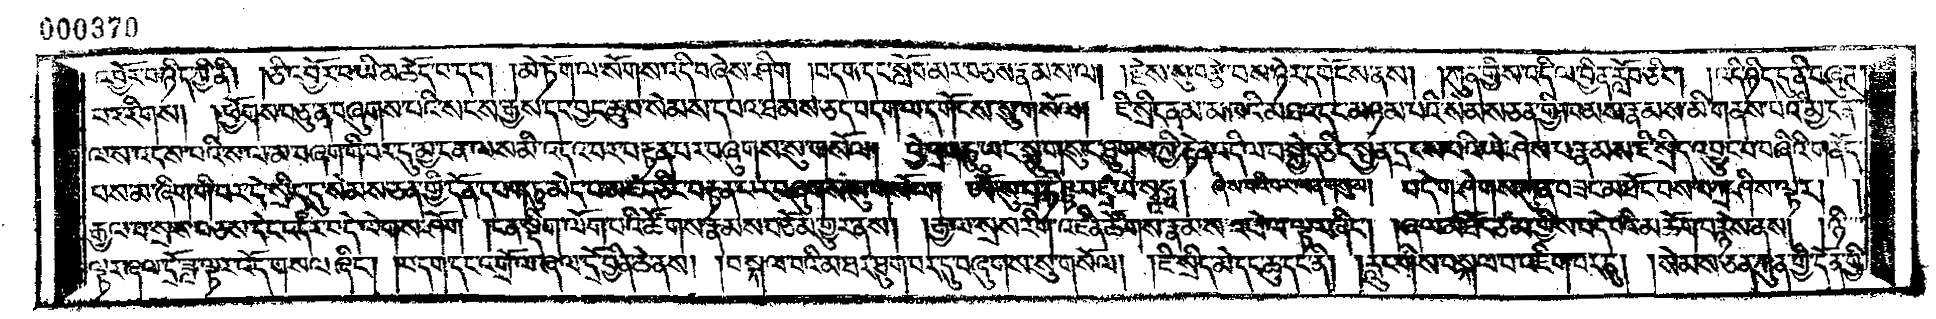འབྱོར་བ་ཉིད་ཀྱི་ནི། །ཅི་འབྱོར་བ་ཡི་མཆོད་པ་དང་། །མེ་ཏོག་ལ་སོགས་འདི་བཞེས་ཤིག །བདག་དང་སློབ་མར་བཅས་རྣམས་ལ། །རྗེས་སུ་བརྩེ་བས་ཉེར་དགོངས་ནས། །ཀུན་གྱིས་འདི་ལ་བྱིན་རློབ་ཅིང་། །འདི་ཉིད་དུ་ནི་བཞུགས་
པར་རིགས། །ཕྱོགས་བཅུ་ན་བཞུགས་པའི་སངས་རྒྱས་དང་བྱང་ཆུབ་སེམས་དཔའ་ཐམས་ཅད་བདག་ལ་དགོངས་སུ་གསོལ། ཇི་སྲིད་ནམ་མཁའི་མཐའ་དང་མཉམ་པའི་སེམས་ཅན་གྱི་ཁམས་རྣམས་མི་གནས་པའི་མྱ་ངན་
ལས་འདས་པའི་ས་ལ་མ་བཞག་གི་བར་དུ་མྱ་ངན་ལས་མི་འདའ་བར་བརྟན་པར་བཞུགས་སུ་གསོལ། བྱེ་བྲག་ཏུ་ཡང་སྐུ་གསུང་ཐུགས་ཀྱི་རྟེན་འདི་ལ་བསྐྱེད་ཅིང་སྤྱན་དྲངས་པའི་ཡེ་ཤེས་པ་རྣམས་ཇི་སྲིད་འབྱུང་བ་བཞིའི་གནོད་
པས་མ་ཞིག་གི་བར་དེ་སྲིད་དུ་སེམས་ཅན་གྱི་དོན་དཔག་ཏུ་མེད་པ་མཛད་ཅིང་བརྟན་པར་བཞུགས་སུ་གསོལ། ཨོཾ་སུ་པྲ་ཏིཥཊཿཨ་བཛྲ་ཡེ་སྭཱ་ཧཱ། ཞེས་པའི་བར་ལན་གསུམ།  བདེ་གཤེགས་ཀུན་བཟང་མཐོང་བས་བཀྲ་ཤིས་ལྟར། །
རྒྱལ་བ་སྲས་བཅས་དེང་འདིར་བདེ་ལེགས་ཤོག །ངན་སྡིག་ལོག་པའི་ཚོགས་རྣམས་བཅོམ་གྱུར་ནས། །རྒྱལ་སྲས་རིག་འཛིན་ཚོགས་རྣམས་འཕེལ་ལྟར་ཞིང་། །ཞལ་མཐོང་ཙམ་གྱིས་བདེ་བའི་མཆོག་བརྙེས་ནས། །ཉི་
ལྟར་ཞལ་དྲོ་ཟླ་ལྟར་འོད་གསལ་ཞིང་། །བདག་དང་འགྲོ་ལ་ཞལ་དྲོ་བྱིན་ཆེ་ནས། །བསྐལ་བའི་མཐར་ཐུག་བར་དུ་བཞུགས་སུ་གསོལ། །ཇི་སྲིད་མེ་དང་ཆུ་དང་ནི། །རླུང་གིས་བསྐལ་བ་འཇིག་པར་དུ། །སེམས་ཅན་ཀུན་གྱི་དོན་གྱི་